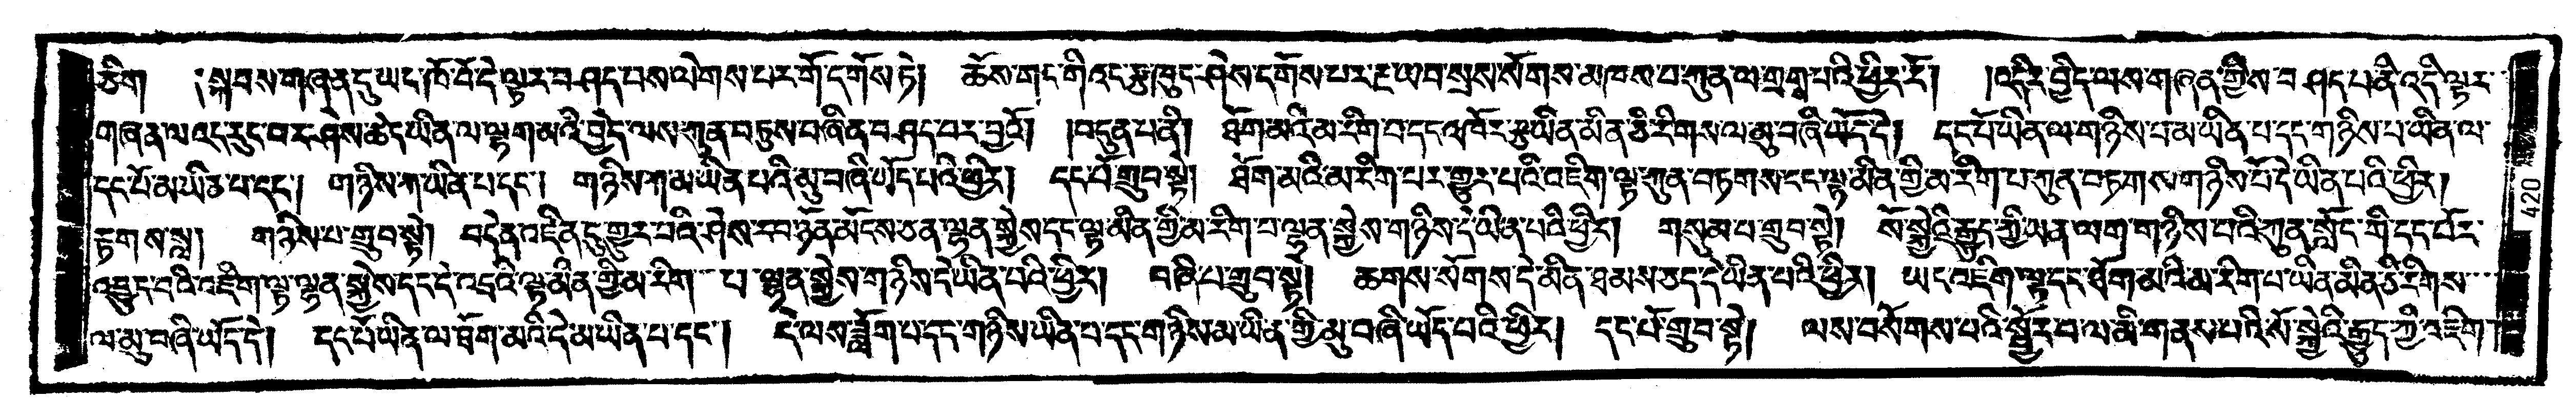ཅིག ༑སྐབས་གཞན་དུ་ཡང་ཁོ་བོ་དེ་ལྟར་བཤད་པས་ལེགས་པར་གོ་དགོས་ཏེ། ཆོས་གང་གིའང་རྩ་ཁུང་ཤེས་དགོས་པར་རྔ་ཡབ་སྲས་སོགས་མཁས་པ་ཀུན་ལ་གྲགས་པའི་ཕྱིར་རོ། །འདིར་བྱེད་ལས་གཞན་གྱིས་བཤད་པ་ནི་འདི་ལྟར་
གཞན་ལའང་རུང་བར་ཤེས་ཆེད་ཡིན་ལ་ལྷག་མའི་བྱེད་ལས་ཀུན་བཏུས་བཞིན་བཤད་པར་བྱའོ། །བདུན་པ་ནི། ཐོག་མའི་མ་རིག་པ་དང་འཁོར་རྩ་ཡིན་མིན་ཅི་རིགས་ལ་མུ་བཞི་ཡོད་དེ། དང་པོ་ཡིན་ལ་གཉིས་པ་མ་ཡིན་པ་དང་གཉིས་པ་ཡིན་ལ་
དང་པོ་མ་ཡིན་པ་དང་། གཉིས་ཀ་ཡིན་པ་དང་། གཉིས་ཀ་མ་ཡིན་པའི་མུ་བཞི་ཡོད་པའི་ཕྱིར། དང་པོ་གྲུབ་སྟེ། ཐོག་མའི་མ་རིག་པར་གྱུར་པའི་འཇིག་ལྟ་ཀུན་བཏགས་དང་ལྟ་མིན་གྱི་མ་རིག་པ་ཀུན་བཏགས་གཉིས་པོ་དེ་ཡིན་པའི་ཕྱིར།
རྟགས་སླ། གཉིས་པ་གྲུབ་སྟེ། བདེན་འཛིན་དུ་གྱུར་པའི་ཤེས་རབ་ཉོན་མོངས་ཅན་ལྷན་སྐྱེས་དང་ལྟ་མིན་གྱི་མ་རིག་པ་ལྷན་སྐྱེས་གཉིས་དེ་ཡིན་པའི་ཕྱིར། གསུམ་པ་གྲུབ་སྟེ། སོ་སྐྱེའི་རྒྱུད་ཀྱི་ཡན་ལག་གཉིས་པའི་ཀུན་སློང་གི་དང་པོར་
འབྱུང་བའི་འཇིག་ལྟ་ལྷན་སྐྱེས་དང་དེ་འདྲའི་ལྟ་མིན་གྱི་མ་རིག་པ་ལྷན་སྐྱེས་གཉིས་དེ་ཡིན་པའི་ཕྱིར། བཞི་པ་གྲུབ་སྟེ། ཆགས་སོགས་དེ་མིན་ཐམས་ཅད་དེ་ཡིན་པའི་ཕྱིར། ཡང་འཇིག་ལྟ་དང་ཐོག་མའི་མ་རིག་པ་ཡིན་མིན་ཅི་རིགས་
ལ་མུ་བཞི་ཡོད་དེ། དང་པོ་ཡིན་ལ་ཐོག་མའི་དེ་མ་ཡིན་པ་དང་། དེ་ལས་ཟློག་པ་དང་གཉིས་ཡིན་པ་དང་གཉིས་མ་ཡིན་གྱི་མུ་བཞི་ཡོད་པའི་ཕྱིར། དང་པོ་གྲུབ་སྟེ། ལས་བསོགས་པའི་སྦྱོར་བ་ལ་མི་གནས་པའི་སོ་སྐྱེའི་རྒྱུད་ཀྱི་འཇིག་